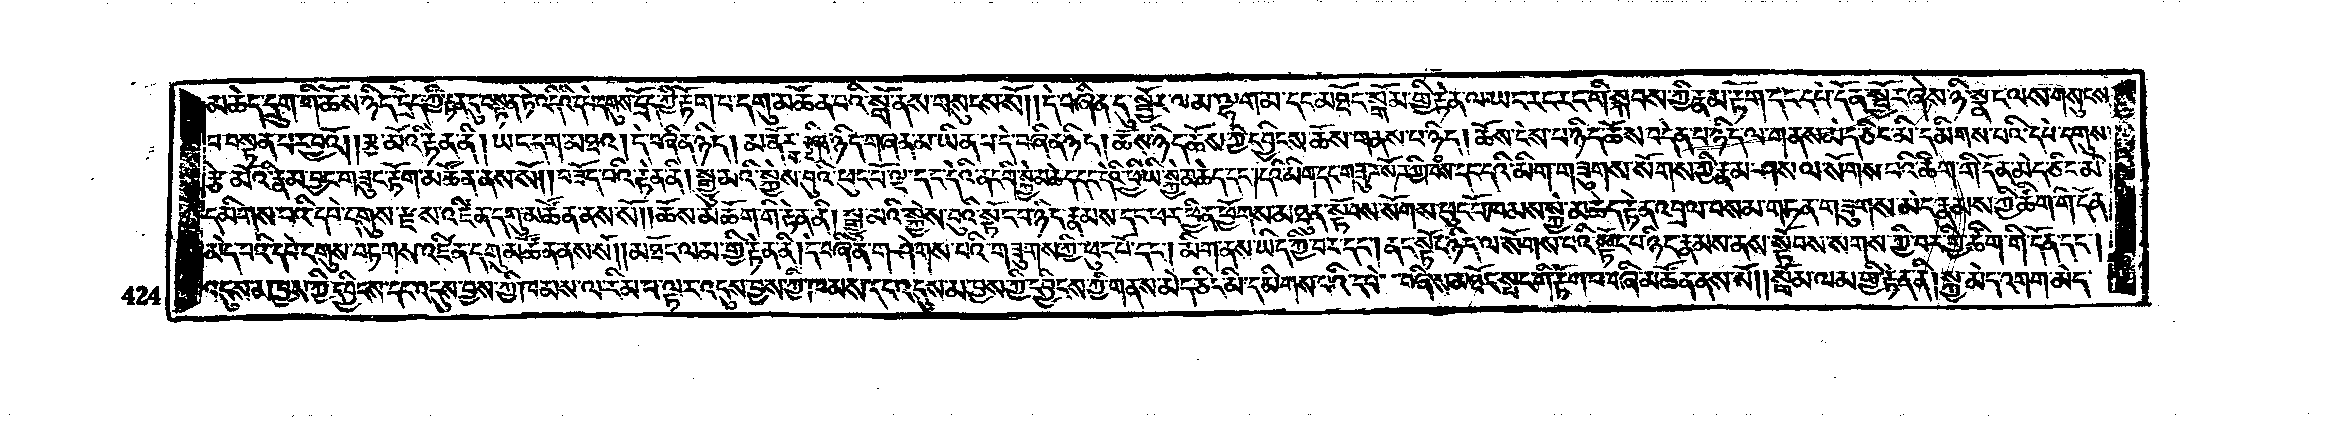མཆེད་དྲུག་གི་ཆོས་ཉིད་དྲོད་ཀྱི་རྟན་དུ་བསྟན་ཏེ་འདིའི་དཔེ་དགུས་དྲོད་ཀྱི་རྟོག་པ་དགུ་མཚོན་པའི་སྒོ་ནས་གསུངས་སོ། །དེ་བཞིན་དུ་སྦྱོར་ལམ་ལྷག་མ་དང་མཐོང་སྒོམ་གྱི་རྟེན་ལ་ཡང་རང་རང་གི་སྐབས་ཀྱི་རྣམ་རྟོག་དང་དཔེ་དོན་སྦྱོར་ཞེས་ཉི་སྣང་ལས་གསུངས་
པ་བསྟན་པར་བྱའོ། །རྩེ་མོའི་རྟེན་ནི། ཡང་དག་མཐའ། དེ་བཞིན་ཉིད། མ་ནོར་བ་རང་བཞིན་ཉིད་གཞན་མ་ཡིན་པ་དེ་བཞིན་ཉིད། ཆོས་ཉིད་ཆོས་ཀྱི་དབྱིངས་ཆོས་གནས་པ་ཉིད། ཆོས་ངེས་པ་ཉིད་ཆོས་བདེན་པ་ཉིད་ལ་གནས་མེད་ཅིང་མི་དམིགས་པའི་དཔེ་དགུས་
རྩེ་མོའི་རྣམ་བྱང་གཟུང་རྟོག་མཚོན་ནས་སོ། །བཟོད་པའི་རྟེན་ནི། སྒྱུ་མའི་སྐྱེས་བུའི་ཕུང་པོ་ལྔ་དང་དེའི་ནང་གི་སྐྱེ་མཆེད་དང་དེའི་ཕྱི་ཡི་སྐྱེ་མཆེད་དང་། དེའི་མིག་དང་གཟུགས་སོགས་ཀྱི་ཁམས་དང་དེའི་མིག་གཟུགས་སོགས་ཀྱི་རྣམ་ཤེས་ལ་སོགས་པའི་ཚིག་གི་དོན་མེད་ཅིང་མི་
དམིགས་པའི་དཔེ་དགུས་རྫས་འཛིན་དགུ་མཚོན་ནས་སོ། །ཆོས་མཆོག་གི་རྟེན་ནི། སྒྱུ་མའི་སྐྱེས་བུའི་སྟོང་པ་ཉིད་རྣམས་དང་ཕར་ཕྱིན་ཕྱོགས་མཐུན་སྟོབས་སོགས་ཕུང་པོ་ཁམས་སྐྱེ་མཆེད་རྟན་འབྲལ་བསམ་གཏན་གཟུགས་མེད་རྣམས་ཀྱི་ཚིག་གི་དོན་
མེད་པའི་དཔེ་དགུས་བཏགས་འཛིན་དགུ་མཚོན་ནས་སོ། །མཐོང་ལམ་གྱི་རྟེན་ནི། དེ་བཞིན་གཤེགས་པའི་གཟུགས་ཀྱི་ཕུང་པོ་དང་། མིག་ནས་ཡིད་ཀྱི་བར་དང་། ནང་སྟོང་ཉིད་ལ་སོགས་པའི་སྟོང་པ་ཉིད་རྣམས་ནས་སྟོབས་སོགས་ཀྱི་བར་གྱི་ཚིག་གི་དོན་དང་།
འདུས་མ་བྱས་ཀྱི་དབྱིངས་དང་འདུས་བྱས་ཀྱི་ཁམས་ལ་རིམ་པ་ལྟར་འདུས་བྱས་ཀྱི་ཁམས་དང་འདུས་མ་བྱས་ཀྱི་དབྱིངས་ཀྱི་གནས་མེད་ཅིང་མི་དམིགས་པའི་དཔེ་བཞིས་མཐོང་སྤང་གི་རྟོག་པ་བཞི་མཚོན་ནས་སོ། །སྒོམ་ལམ་གྱི་རྟེན་ནི། སྐྱེ་མེད་འགག་མེད་